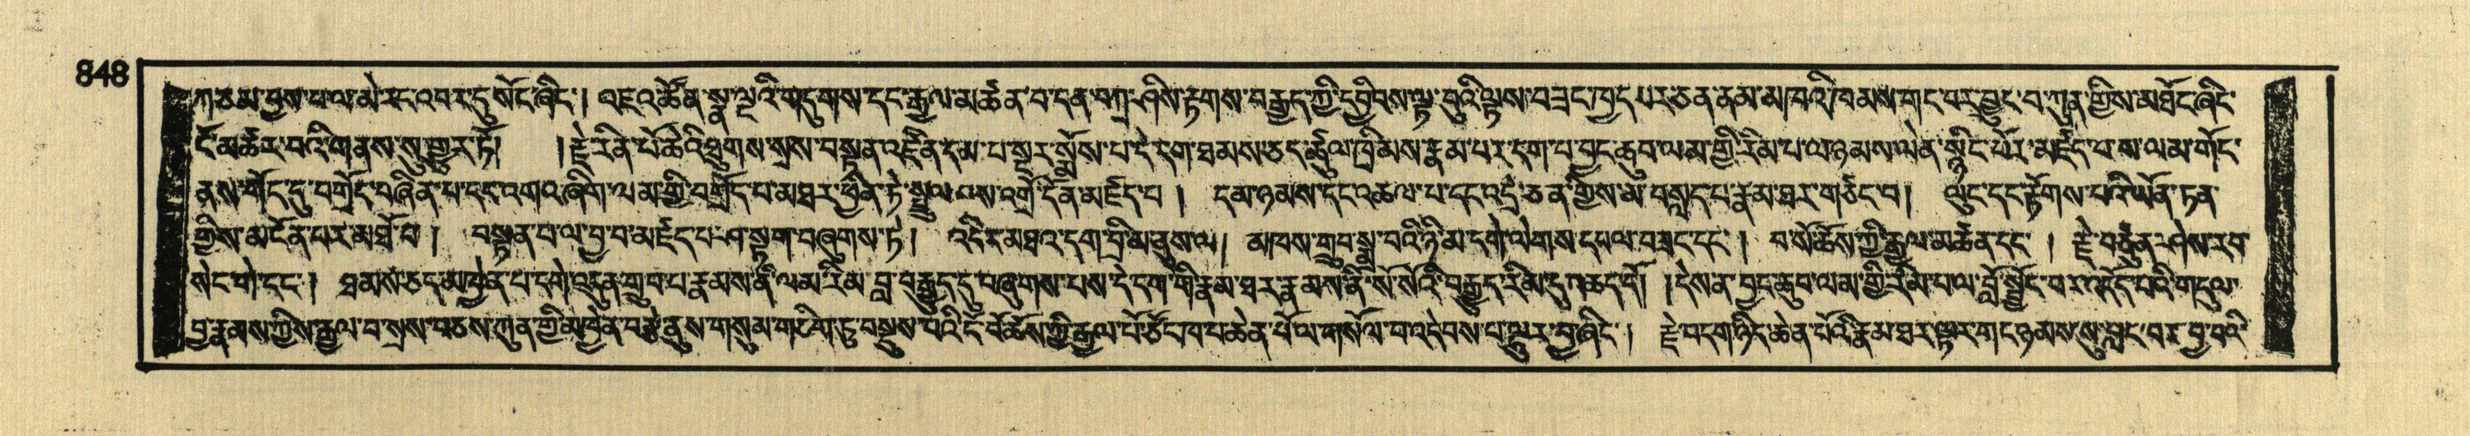ཀ་ཅམ་བྱས་པ་ལ་མེ་རང་འབར་དུ་སོང་ཞིང་། འཇའ་ཚོན་སྣ་ལྔའི་གདུགས་དང་རྒྱལ་མཚན་བ་དན་བཀྲ་ཤིས་རྟགས་བརྒྱད་ཀྱི་དབྱིབས་ལྟ་བུའི་ལྟས་བཟང་ཁྱད་པར་ཅན་ནམ་མཁའི་ཁམས་གང་བར་བྱུང་བ་ཀུན་གྱིས་མཐོང་ཞིང་
ངོ་མཚར་བའི་གནས་སུ་གྱུར་ཏོ། །རྗེ་རིན་པོ་ཆེའི་ཐུགས་སྲས་བསྟན་འཛིན་དམ་པ་སྔར་སྨོས་པ་དེ་དག་ཐམས་ཅད་ཚུལ་ཁྲིམས་རྣམ་པར་དག་པ་བྱང་ཆུབ་ལམ་གྱི་རིམ་པ་ལ་ཉམས་ལེན་སྙིང་པོར་མཛད་པ་ས་ལམ་གོང་
ནས་གོང་དུ་བགྲོང་བཞིན་པ་དང་འགའ་ཞིག་ལམ་གྱི་བགྲོད་པ་མཐར་ཕྱིན་ཏེ་སྤྲུལ་པས་འགྲོ་དོན་མཛད་པ། དམ་ཉམས་དང་འཆལ་པ་དང་འདྲ་ཅན་གྱིས་མ་བསླད་པ་རྣམ་ཐར་གཙང་བ། ལུང་དང་རྟོགས་པའི་ཡོན་ཏན་
གྱིས་མངོན་པར་མཐོ་བ་།བསྟན་པ་ལ་བྱ་བ་མཛད་པ་ཤ་སྟག་བཞུགས་ཏེ། འདིར་མཐའ་དག་བྲི་མ་ནུས་ལ། མཁས་གྲུབ་སྨྲ་བའི་ཉི་མ་དགེ་ལེགས་དཔལ་བཟང་དང་། བ་སོ་ཆོས་ཀྱི་རྒྱལ་མཚན་དང་། རྗེ་བཙུན་ཤེས་རབ་
སེང་གེ་དང་། ཐམས་ཅད་མཁྱེན་པ་དགེ་འདུན་གྲུབ་པ་རྣམས་ནི་ལམ་རིམ་བླ་བརྒྱུད་དུ་བཞུགས་པས་དེ་དག་གི་རྣམ་ཐར་རྣམས་ནི་སོ་སོའི་བརྒྱུད་རིམ་དུ་འཆད་དོ། །དེས་ན་བྱང་ཆུབ་ལམ་གྱི་རིམ་པ་ལ་བློ་སྦྱོང་བར་འདོད་པའི་གདུལ་
བྱ་རྣམས་ཀྱིས་རྒྱལ་བ་སྲས་བཅས་ཀུན་གྱི་མཁྱེན་བརྩེ་ནུས་གསུམ་གཅིག་ཏུ་བསྡུས་པའི་ངོ་བོ་ཆོས་ཀྱི་རྒྱལ་པོ་ཙོང་ཁ་པ་ཆེན་པོ་ལ་གསོལ་བ་འདེབས་པ་ལྷུར་བྱ་ཞིང་། རྗེ་བདག་ཉིད་ཆེན་པོའི་རྣམ་ཐར་ལྟར་གང་ཉམས་སུ་བླང་བར་བྱ་བའི་